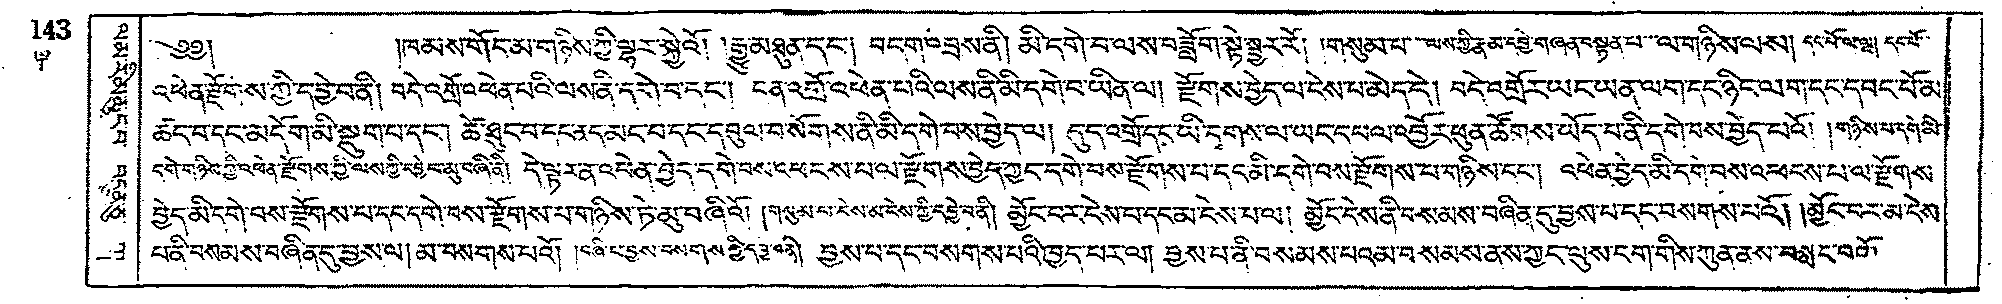༄༅། །ཁམས་གོང་མ་གཉིས་ཀྱི་ལྟར་སྐྱེའོ། །རྒྱུ་མཐུན་དང་། བདག་འབྲེས་ནི། མི་དགེ་བ་ལས་བཟློག་སྟེ་སྦྱར་རོ། །གསུམ་པ་ལས་ཀྱི་རྣམ་དབྱེ་གཞན་བསྟན་པ་ལ་གཉིས་ལས། དང་པོ་ལ་ལྔ། དང་པོ་
འཕེན་རྫོགས་ཀྱི་དབྱེ་བ་ནི། བདེ་འགྲོ་འཕེན་པའི་ལས་ནི་དགེ་བ་དང་། ངན་འགྲོ་འཕེན་པའི་ལས་ནི་མི་དགེ་བ་ཡིན་ལ། རྫོགས་བྱེད་ལ་ངེས་པ་མེད་དེ། བདེ་འགྲོར་ཡང་ཡན་ལག་དང་ཉིད་ལག་དང་དབང་པོ་མ་
ཚང་བ་དང་མདོག་མི་སྡུག་པ་དང་། ཚེ་ཐུང་བ་དང་ནད་མང་བ་དང་དབུལ་བ་སོགས་ནི་མི་དགེ་བས་བྱེད་ལ། དུད་འགྲོ་དང་ཡི་དྭགས་ལ་ཡང་དཔལ་འབྱོར་ཕུན་ཚོགས་ཡོད་པ་ནི་དགེ་བས་བྱེད་པའོ། །གཉིས་པ་དགེ་མི་
དགེ་གཉིས་ཀྱི་འཕེན་རྫོགས་ཀྱི་ལས་ཀྱི་དབྱེ་བ་མུ་བཞི་ནི། དེ་ལྟར་ན་འཕེན་བྱེད་དགེ་པས་འཕངས་པ་ལ་རྫོགས་བྱེད་ཀྱང་དགེ་བས་རྫོགས་པ་དང་མི་དགེ་བས་རྫོགས་པ་གཉིས་དང་། འཕེན་བྱེད་མི་དགེ་བས་འཕངས་པ་ལ་རྫོགས་
བྱེད་མི་དགེ་བས་རྫོགས་པ་དང་དགེ་བས་རྫོགས་པ་གཉིས་ཏེ་མུ་བཞིའོ། །གསུམ་པ་ངེས་མ་ངེས་ཀྱི་དབྱེ་བ་ནི།  མྱོང་བར་ངེས་པ་དང་མ་ངེས་པ་ལ། མྱོང་ངེས་ནི་བསམས་བཞིན་དུ་བྱས་པ་དང་བསགས་པའོ། །མྱོང་བར་མ་ངེས་
པ་ནི་བསམས་བཞིན་དུ་བྱས་ལ། མ་བསགས་པའོ། །བཞི་པ་བྱས་བསགས་ཀྱི་དབྱ་བ་ནི།  བྱས་པ་དང་བསགས་པའི་ཁྱད་པར་ལ། བྱས་པ་ནི་བསམས་པའམ་བསམས་ནས་ཀྱང་ལུས་ངང་གིས་ཀུན་ནས་བསླང་བའོ།